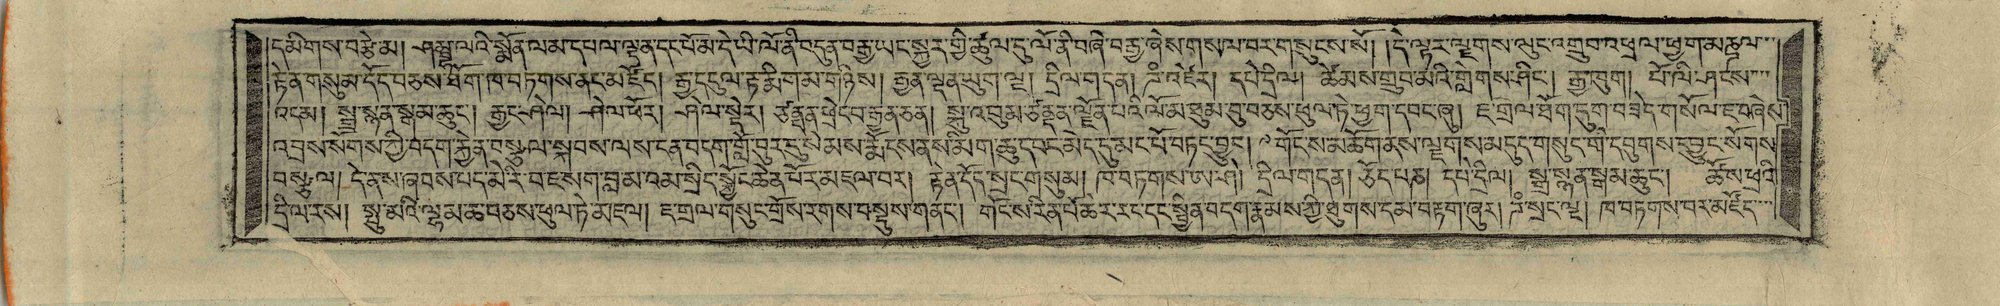དམིགས་བརྩེ་མ། ཤམྦྷ་ལའི་སྨོན་ལམ་དཔལ་ལྡན་དང་པོ་མ་དེ་ཡི་ལོ་ནི་བདུན་བརྒྱ་ཡང་སྐྱར་གྱི་ཚུལ་དུ་ལོ་ནི་བཞི་བརྒྱ་ཞེས་གསལ་བར་གསུངས་སོ། །དེ་ལྟར་ལྗགས་ལུང་འགྲུབ་འཕྲལ་ཕྱག་མཎྜལ་
རྟེན་གསུམ་དོད་བཅས་ཐོག་ཁ་བཏགས་ནང་མཛོད། རྒྱ་དངུལ་རྟ་རྨིག་མ་གཉིས། རྒྱན་ལྡན་ཡུག་ལྔ། དྲིལ་གདན། ཌཾ་འཛེར། དཔེ་དྲིལ། ཚེམས་གྲུབ་མའི་གླེགས་ཤིང་། རྒྱ་ཁུག །པོ་ལི་ཤངས་
འདམ། སྒྲ་སྙན་སྒམ་ཆུང་། རྒྱང་ཤེལ། ཤེལ་ཕོར། ཤེལ་སྡེར། ཙནྡན་ཕྲེང་བ་རྒྱན་ཅན། སྐུ་འབུམ་ཙནྡན་ལྗོན་པའི་ལོ་མ་ཐུམ་བུ་བཅས་ཕུལ་ཏེ་ཕྱག་དབང་ཞུ། ཇ་གྲལ་ཐོག་དུག་བཟེད་གསོལ་ཇ་བཞེས་
འབྲས་སོགས་ཀྱི་བདག་རྐྱེན་བསྩལ་སྐབས་ལས་ངན་བདག་གློ་བུར་དུ་སེམས་རྨོངས་ནས་མིག་ཆུ་དབང་མེད་དུ་མང་པོ་བཏང་བྱུང་། ༧་གོང་ས་མཆོག་ནས་ལྗགས་མདུང་གསུང་གི་དབུགས་དབྱུང་སོགས་
བསྩལ། དེ་ནས་ཞབས་པད་མེ་རི་བ་ཇ་སག་བླ་མ་འམ་སྲིད་སྐྱོང་ཆེན་པོར་མཇལ་བར། རྟེན་དོད་སྲང་གསུམ། ཁ་བཏགས་ཨ་ཤེ། དྲིལ་གདན། ཅོད་པཎ། དཔེ་དྲིལ། སྒྲ་སྙན་སྒམ་ཆུང་། ཚོས་ཕྲའི་
དྲིལ་རས། སྤུ་མའི་ལྷམ་ཆ་བཅས་ཕུལ་ཏེ་མཇལ། ཇ་གྲལ་གསུང་གྲོས་རགས་བསྡུས་གནང་། གོང་ས་རིན་པོ་ཆེར་རང་དང་སྦྱིན་བདག་རྣམས་ཀྱི་ཐུགས་དམ་བརྟག་ཞུར། ཌཾ་སྲང་ལྔ། ཁ་བཏགས་པར་མཛོད་